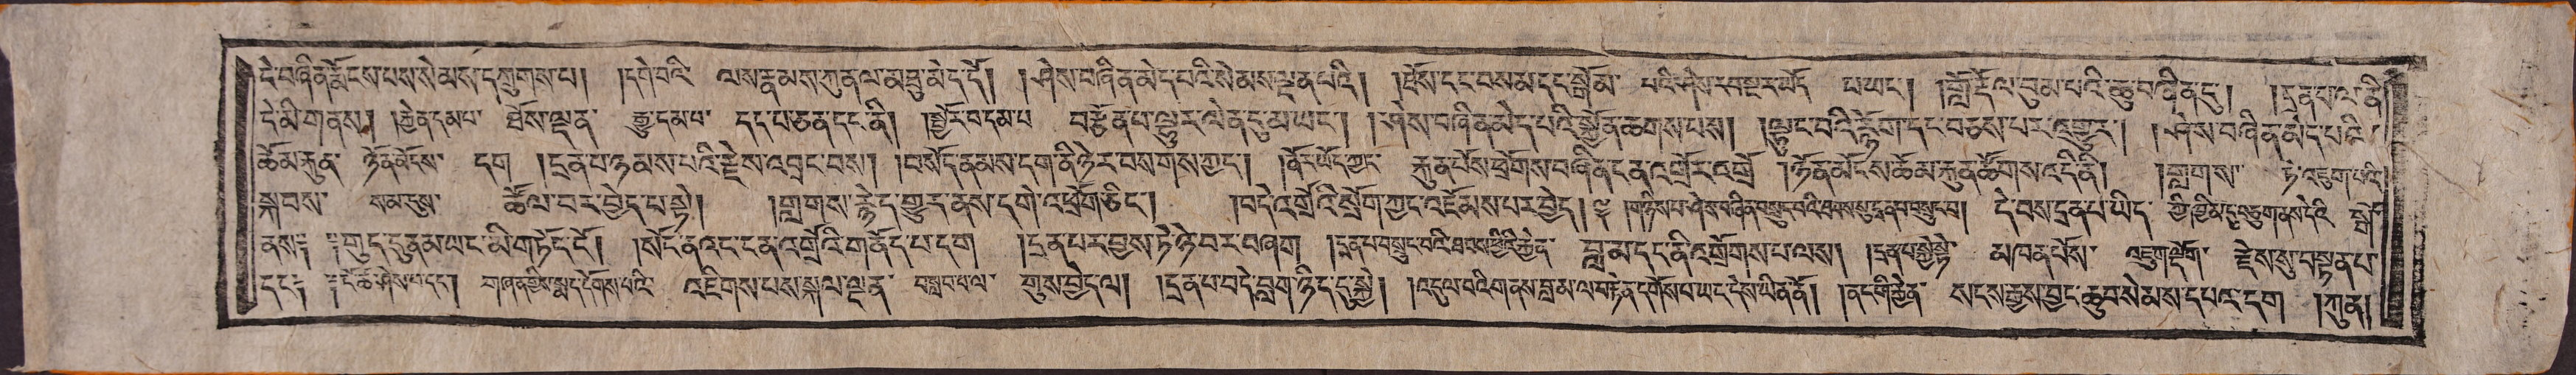དེ་བཞིན་རྨོངས་པས་སེམས་དཀྲུགས་པ། །དགེ་བའི་ལས་རྣམས་ཀུན་ལ་མཐུ་མེད་དོ། །ཤེས་བཞིན་མེད་པའི་སེམས་ལྡན་པའི། །ཐོས་དང་བསམ་དང་སྒོམ་པའི་ཤེས་རབ་སྔར་ཡོད་པ་ཡང་། །གློ་རྡོལ་བུམ་པའི་ཆུ་བཞིན་དུ། །དྲན་པ་ལ་ན་
དེ་མི་གནས། །རྐྱེན་དམ་པ་ཐོས་ལྡན་རྒྱུ་དམ་པ་དད་པ་ཅན་དང་ནི། །སྦྱོར་བ་དམ་པ་བརྩོན་པ་ལྷུར་ལེན་དུ་མ་ཡང་། །ཤེས་བཞིན་མེད་པའི་སྐྱོན་ཆགས་པས། །ལྟུང་བའི་རྙོག་དང་བཅས་པར་འགྱུར། །ཤེས་བཞིན་མེད་པའི་
ཆོམ་རྐུན་ཉོན་མོངས་དག །དྲན་པ་ཉམས་པའི་རྗེས་འབྲང་བས། །བསོད་ནམས་དག་ནི་ཉེར་བསགས་ཀྱང་། །ནར་ཡད་ཀྱང་རྐུན་པོས་ཕྲོགས་བཞིན་ངན་འགྲོར་འགྲོ་།ཉོན་མོངས་ཆོམ་རྐུན་ཚོགས་འདི་ནི། །གླགས་ཏེ་འཇུག་པའི་
སྐབས་སམ་དུས་ཚོལ་བར་བྱེད་པ་སྟེ། །གླགས་རྙེད་གྱུར་ནས་དགེ་འཕྲོག་ཅིང་། །བདེ་འགྲོའི་སྲོག་ཀྱང་འཇོམས་པར་བྱེད། ༈ །གཉིས་པ་ཤེས་བཞིན་བ་སྲུང་བའི་ཐབས་སུ་དྲན་པ་བསྲུང་བ།  དེ་བས་དྲན་པ་ཡིད་ཀྱི་ཁྱིམ་དུ་བཅུག་ནས་དེའི་སྒོ་
ནས༑ ༑གུད་དུ་ནམ་ཡང་མི་གཏོང་ངོ། །སོང་ནའང་ངན་འགྲོའི་གནོད་པ་དག །དྲན་པར་བྱས་ཏེ་ཉེ་བར་བཞག་།དྲན་པ་བསྲུང་བའི་ཐབས་ཕྱིའི་རྐྱེན་བླ་མ་དང་ནི་འགྲོགས་པ་ལས། །དྲན་པ་སྐྱེ་སྟེ་མཁན་པོས་འཇུག་ལྡོག་རྗེས་སུ་བསྟན་པ་
དང༑ ༑ངོ་ཚ་ཤེས་པ་དང་། གཞན་གྱིས་སྨད་དོགས་པའི་འཇིགས་པས་སྐལ་ལྡན་བསླབ་པ་ལ་གུས་བྱེད་ལ། །དྲན་པ་བདེ་བླག་ཉིད་དུ་སྐྱེ། །འདུལ་བའི་གནས་བླ་མ་ལ་བརྟེན་དགོས་པ་ཡང་དེས་ཡིན་ནོ། །ནང་གི་རྐྱེན་སངས་རྒྱས་བྱང་ཆུབ་སེམས་དཔའ་དག །ཀུན་ཏུ་